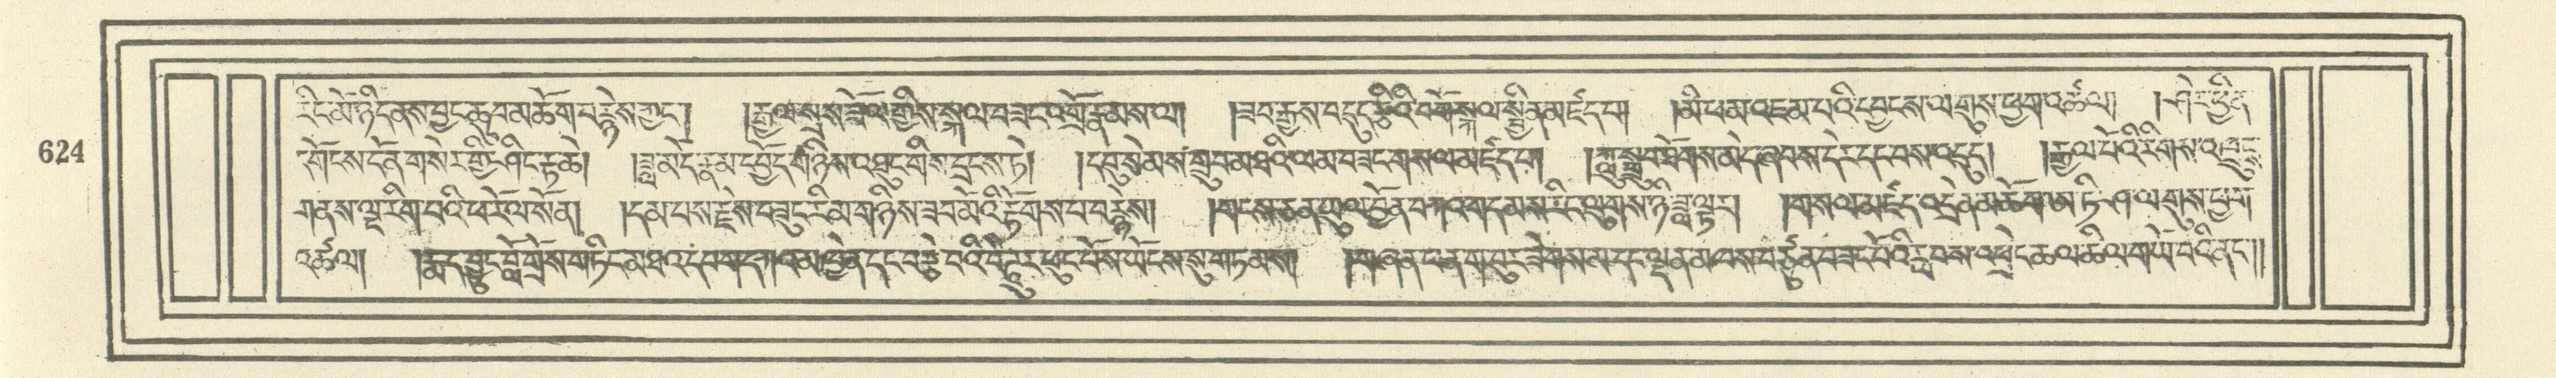རིང་མོ་ཉིད་ནས་བྱང་ཆུབ་མཆོག་བརྙེས་ཀྱང་། །རྒྱལ་སྲས་ཟོལ་གྱིས་སྐལ་བཟང་འགྲོ་རྣམས་ལ། །ཟབ་རྒྱས་བདུད་རྩིའི་བགོ་སྐལ་སྦྱིན་མཛད་པ། །མི་ཕམ་འཇམ་པའི་དབྱངས་ལ་གུས་ཕྱག་འཚལ། །ཤེར་ཕྱིན་
དགོངས་དོན་གསེར་གྱི་ཤིང་རྟ་ཆེ། །ཟླ་མེད་རྣམ་དཔྱོད་གཉིས་འཐུང་གིས་དྲངས་ཏེ། །དབུ་སེམས་གྲུབ་མཐའ་ལམ་བཟང་གསལ་མཛད་པ། །ཀླུ་སྒྲུབ་ཐོགས་མེད་ཞབས་དེར་དང་བས་འདུད། །རྒྱལ་བོའི་རིགས་འཁྲུངས་
གནས་ལྔ་རིག་པའི་ཕ་རོལ་སོན། །དམ་པས་རྗེས་བཟུང་རིམ་གཉིས་ཟབ་མོའི་རྟོགས་པ་བརྙེས། །གངས་ཅན་ཡུལ་བྱོན་བཀའ་གདམས་རིང་ལུགས་ཉི་ཟླ་ལྟར། །གསལ་མཛད་འདྲེན་མཆོག་ཨ་ཏི་ཤ་ལ་གུས་ཕྱག་
འཚལ། །རྨད་བྱུང་བློ་གྲོས་གཏིང་མཐའ་དཔག་དཀའ་མཁྱེན་དང་བརྩེ་བའི་བཻ་ཌཱུར་ཕུང་པོས་ཡོངས་སུ་གཏམས། །གཞན་ཕན་ག་བུར་ཟེགས་མ་དང་ལྡན་མཁས་བཙུན་བཟང་པོའི་རླབས་འཕྲེང་ཆལ་ཆིལ་གཡོ་བའི་ནང།།